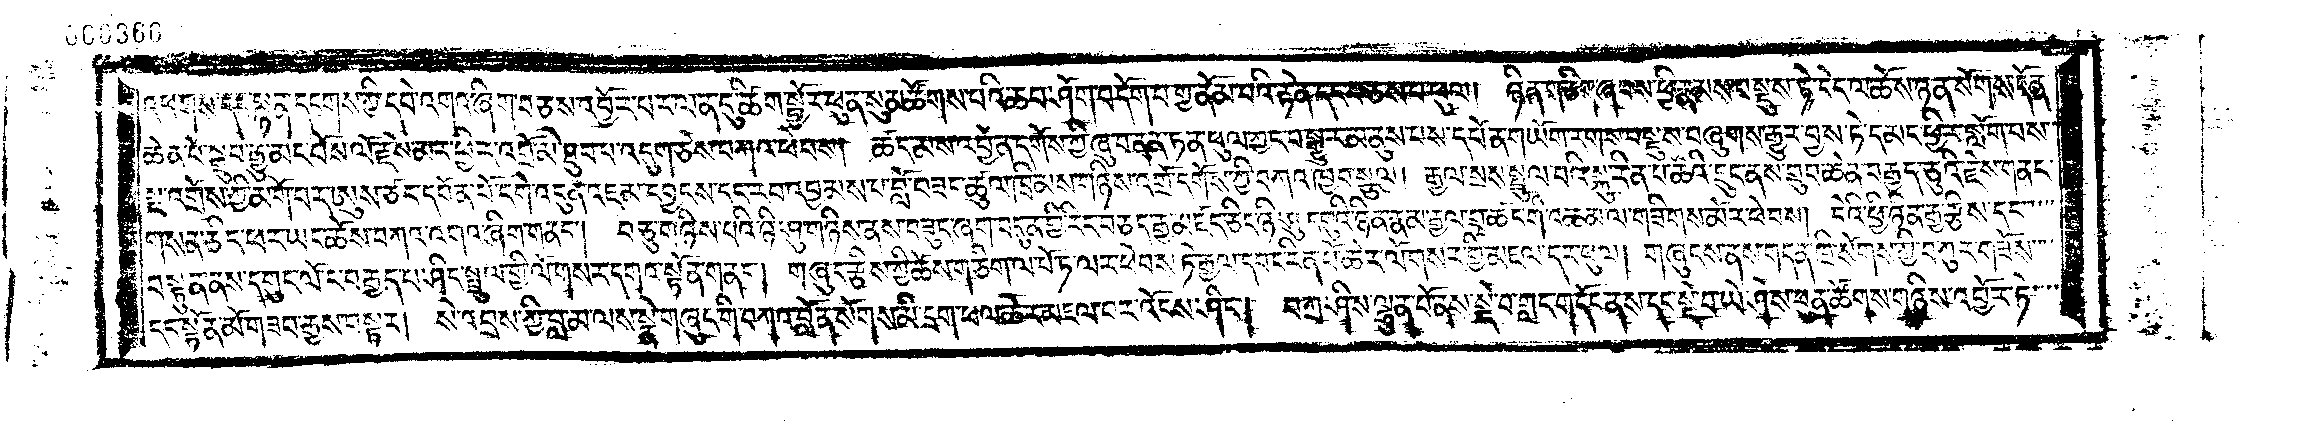འཕགས་དང་སྙན་དངགས་ཀྱི་དཔེ་འགའ་ཞིག་བཅས་འབྱོར་པར་ལན་དུ་ཚིག་སྦྱོར་ཕུན་སུམ་ཚོགས་པའི་ཆབ་ཤོག་བདོག་པ་གྱ་ནོམ་པའི་རྟེན་དང་བཅས་པ་ཕུལ། ཉིན་གཅིག་ཞབས་ཕྱི་རྣམས་བསྡུས་ཏེ་ངེད་ལ་ཆོས་ཉན་སོགས་དོན་
ཆེན་པོ་སྒྲུབ་རྒྱུ་མང་པོས་ལོ་རྗེས་མར་ཕྱིར་འགྲོ་མི་ཐུབ་པ་འདུག་ཅེས་བཀའ་ཕེབས། ཚང་མས་འབྱོན་དགོས་ཀྱི་ཞུ་བ་ནན་ཏན་ཕུལ་ཀྱང་བསྒྱུར་མ་ནུས་པས་དཔོན་གཡོག་རགས་བསྡུས་བཞུགས་རྒྱུར་བྱས་ཏེ་དམང་ཕྱིར་སློག་པས་
སྔ་འགྲོས་ཀྱི་མགོ་པར་ཨུས་ཙང་དབོན་པོ་དགེ་འདུན་འཇམ་དབྱངས་དང་རབ་འབྱམས་པ་བློ་བཟང་ཚུལ་ཁྲིམས་གཉིས་འགྲོ་དོགས་ཀྱི་བཀའ་ཁྱབ་སྩལ། རྒྱལ་སྲས་སྤྲུལ་པའི་སྐུ་རིན་པོ་ཆེའི་དྲུང་ནས་གྲུབ་ཆེན་བརྒྱད་ཅུའི་རྗེས་གནང་
གསན་ཅིང་ཕར་ཡང་ཆོས་བཀའ་འགའ་ཞིག་གནང་། བཅུ་གཉིས་པའི་ཉི་ཤུ་གཉིས་ནས་བཟུང་ཞག་བདུན་གྱི་རིང་བཅད་རྒྱ་མཛད་ཅིང་ཉི་ཤུ་དགུའི་ཉིན་རྣམ་རྒྱལ་གྲྭ་ཚང་གི་འཆམ་ལ་གཟིགས་མོར་ཕེབས། དེའི་ཕྱི་ཉིན་རྒྱ་རྩིས་དང་
བསྟུན་ནས་དགུང་ལོ་ང་བརྒྱད་པ་ཤིང་སྦྲུལ་གྱི་ལོ་གསར་དགའ་སྟོན་གནང་། གཞུང་རྩིས་ཀྱི་ཚེས་གཅིག་ལ་པོ་ཏ་ལར་ཕེབས་ཏེ་རྒྱལ་དབང་རིན་པོ་ཆེར་ལོ་གསར་གྱི་མཇལ་དར་ཕུལ། གཞུང་ས་ནས་གདན་ཁྲི་སོགས་ཀྱི་བཀུར་གཟོས་
དང་སྟོན་མོ་གཟབ་རྒྱས་བསྟར། སེ་འབྲས་ཀྱི་བླ་མ་ལས་སྣེ་གཞུང་གི་བཀའ་བློན་སོགས་མི་དྲག་ཕལ་ཆེར་མཇལ་བར་འོངས་ཤིང་། བཀྲ་ཤིས་ལྷུན་པོ་ནས་སྡེ་བ་གླང་གདོང་ནས་དང་སྡེ་བ་ཡེ་ཤེས་ཕུན་ཚོགས་གཉིས་འབྱོར་ཏེ་